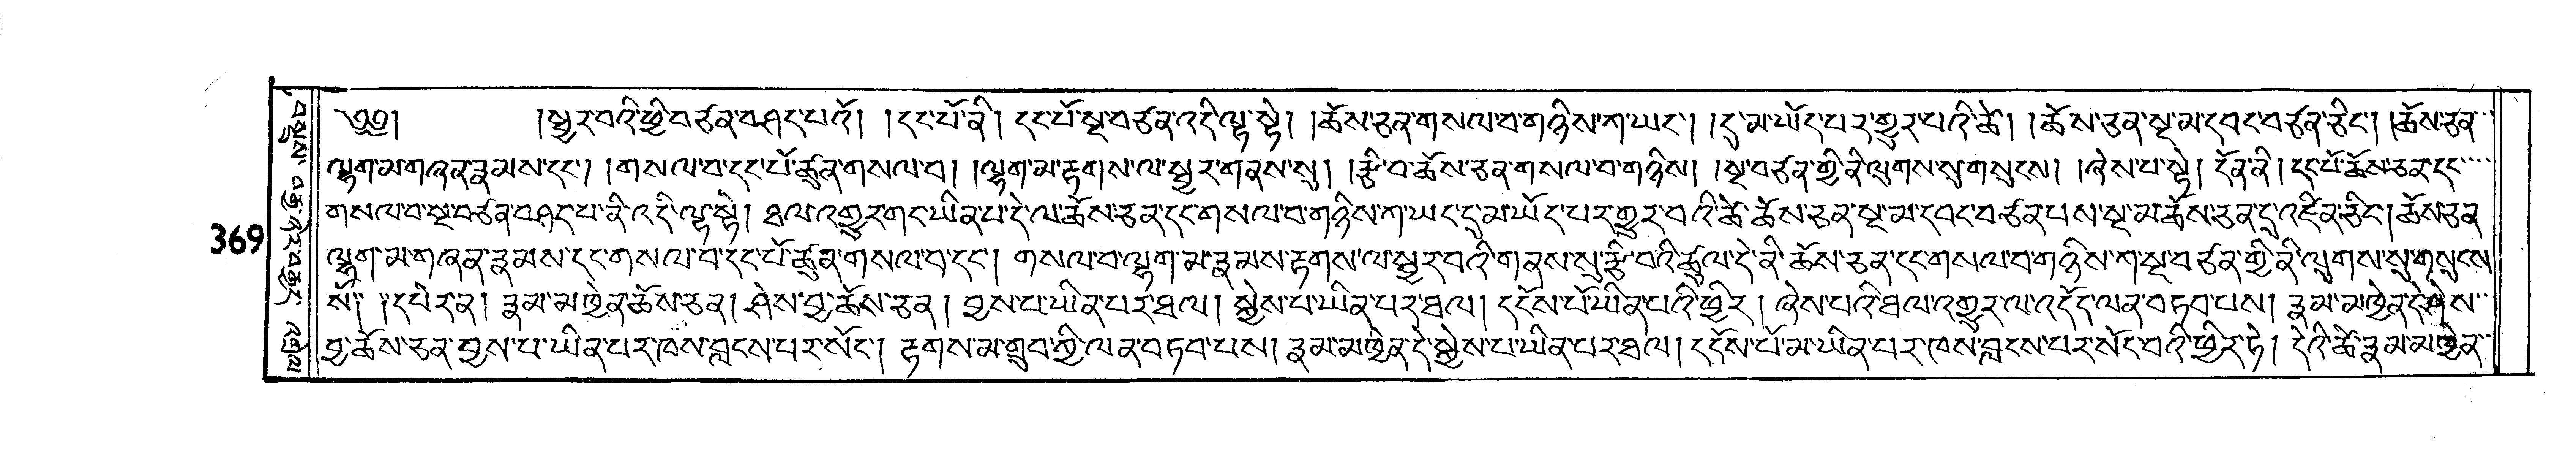༄༅། །སྦྱར་བའི་ཕྱི་བཙན་བཤད་པའོ། །དང་པོ་ནི། དང་པོ་སྔ་བཙན་འདི་ལྟ་སྟེ། །ཆོས་ཅན་གསལ་བ་གཉིས་ཀ་ཡང་། །དུ་མ་ཡོད་པར་གྱུར་པའི་ཚེ། །ཆོས་ཅན་སྔ་མ་དབང་བཙན་ཅིང་། །ཆོས་ཅན་
ལྷག་མ་གཞན་རྣམས་དང་། །གསལ་བ་དང་པོ་ཚུན་གསལ་བ། །ལྷག་མ་རྟགས་ལ་སྦྱར་གནས་སུ། །རྩི་བ་ཆོས་ཅན་གསལ་བ་གཉིས། །སྔ་བཙན་གྱི་ནི་ལུགས་སུ་གསུངས། །ཞེས་པ་སྟེ། དོན་ནི། །དང་པོ་ཆོས་ཅན་དང་
གསལ་བ་སྔ་བཙན་བཤད་པ་ནི་འདི་ལྟ་སྟེ། ཐལ་འགྱུར་གང་ཡིན་པ་དེ་ལ་ཆོས་ཅན་དང་གསལ་བ་གཉིས་ཀ་ཡང་དུ་མ་ཡོད་པར་གྱུར་བའི་ཚེ་ཆོས་ཅན་སྔ་མ་དབང་བཙན་པས་སྔ་མ་ཆོས་ཅན་དུ་འཛིན་ཅིང་། ཆོས་ཅན་
ལྷག་མ་གཞན་རྣམས་དང་གསལ་བ་དང་པོ་ཚུན་གསུལ་བ་དང་། གསལ་བ་ལྷག་མ་རྣམས་རྟགས་ལ་སྦྱར་བའི་གནས་སུ་རྩི་བའི་ཚུལ་དེ་ནི་ཆོས་ཅན་དང་གསལ་བ་གཉིས་ཀ་སྔ་བཙན་གྱི་ནི་ལུགས་སུ་གསུངས་
སོ༑ ༑དཔེར་ན། རྣམ་མཁྱེན་ཆོས་ཅན། ཤེས་བྱ་ཆོས་ཅན། བྱས་པ་ཡིན་པར་ཐལ། སྐྱེས་པ་ཡིན་པར་ཐལ། དངོས་པོ་ཡིན་པའི་ཕྱིར། ཞེས་པའི་ཐལ་འགྱུར་ལ་འདོད་ལན་བཏབ་པས། རྣམ་མཁྱེན་དེ་ཤེས་བྱ་ཆོས་ཅན་བྱས་པ་ཡིན་པར་ཁས་བླངས་པར་སོང་། རྟགས་མ་གྲུབ་ཀྱི་ལན་བཏབ་པས། རྣམ་མཁྱེན་དེ་སྐྱེས་པ་ཡིན་པར་ཐལ། དངོས་པོ་མ་ཡིན་པར་ཁས་བླངས་པར་སོང་བའི་ཕྱིར་ཏེ། དེའི་ཚེ་རྣམ་མཁྱེན་